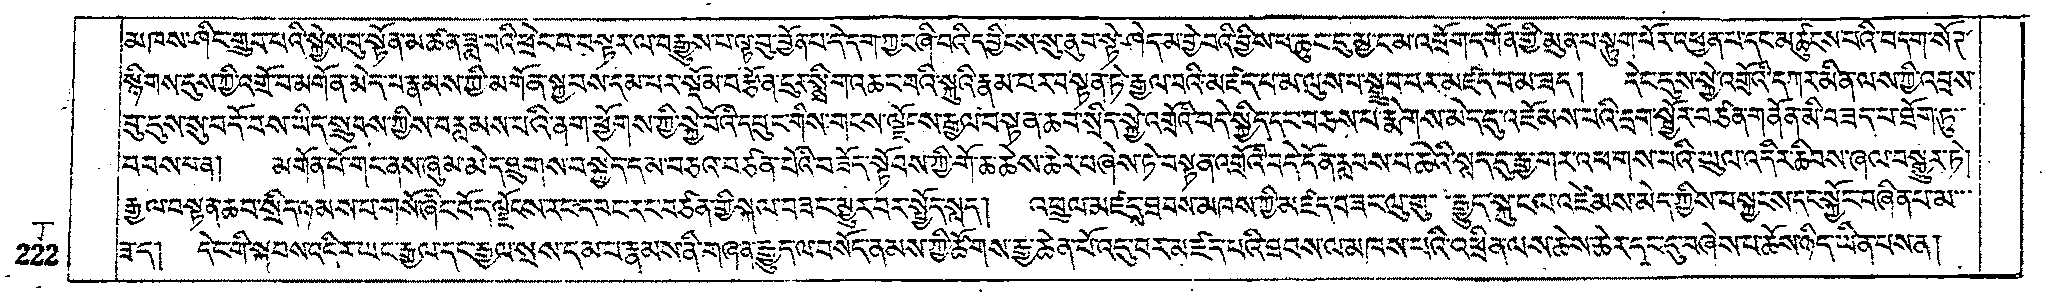མཁས་ཤིང་གྲུབ་པའི་སྐྱེས་བུ་སྟོན་མཚན་ཟླ་བའི་ཕྲེང་བ་བསྟར་ལ་བརྒྱུས་པ་ལྟ་བུ་བྱོན་པ་དེ་དག་ཀྱང་ཞི་བའི་དབྱིངས་སུ་ནུབ་སྟེ་ཤེད་མ་བྱེ་བའི་བྱིས་པ་ཆུང་ངུ་མྱ་ངམ་འབྲོག་དགོན་གྱི་མུན་པ་སྟུག་པོར་འཕྱན་པ་དང་མཚུངས་པའི་བདག་སོཌ་
སྙིགས་དུས་ཀྱི་འགྲོ་བ་མགོན་མེད་པ་རྣམས་ཀྱི་མགོན་སྐྱབས་དམ་པར་སྡོམ་བརྩོན་ངུར་སྨྲིག་འཆང་བའི་སྐུའི་རྣམ་པར་བསྟན་ཏེ་རྒྱལ་བའི་མཛད་པ་མ་ལུས་པ་སྒྲུབ་པར་མཛད་པ་མ་ཟད། དེང་དུས་སྐྱེ་འགྲོའི་དཀར་མིན་ལས་ཀྱི་འབྲས་
བུ་དུས་སུ་བདོ་བས་ཡིད་སྲུབས་ཀྱིས་བརླམས་པའི་ནག་ཕྱོགས་ཀྱི་སྐྱེ་བོའི་དཔུང་གིས་གངས་ལྗོངས་རྒྱལ་བསྟན་ཆབ་སྲིད་སྐྱེ་འགྲོའི་བདེ་སྐྱིད་དང་བཅས་པ་རྨེགས་མེད་དུ་འཇོམས་པའི་དྲག་སྦྱོར་བཙན་གནོན་མི་བཟད་པ་ཐོག་ཏུ་་་
བབས་པ་ན། མགོན་པོ་གང་ནས་ཞུམ་མེད་ཐུགས་བསྐྱེད་དམ་བཅའ་བཙན་པོའི་བཟོད་སྟོབས་ཀྱི་གོ་ཆ་ཆེས་ཆེར་བཞེས་ཏེ་བསྟན་འགྲོའི་བདེ་དོན་རླབས་པ་ཆེའི་སླད་དུ་རྒྱ་གར་འཕགས་པའི་ཡུལ་འདིར་ཆིབས་ཞལ་བསྒྱུར་ཏེ།
རྒྱལ་བསྟན་ཆབ་སྲིད་ཉམས་པ་གསོ་ཞིང་བོད་ལྗོངས་རང་དབང་རང་བཙན་གྱི་སྐལ་བཟང་མྱུར་བར་སྤྱོད་སླད། འཕྲུལ་མཛདས་ཐབས་མཁས་ཀྱི་མཛད་བཟང་ལུ་གུ་་་རྒྱུད་སྐུ་ངལ་འཛེམས་མེད་ཀྱིས་བསྐྱངས་དང་སྐྱོང་བཞིན་པ་མ་་་
ཟད། དེང་གི་སྐབས་འདིར་ཡང་རྒྱལ་དང་རྒྱལ་སྲས་དམ་པ་རྣམས་ནི་གཞན་རྒྱུད་ལ་བསོད་ནམས་ཀྱི་ཚོགས་རྒྱ་ཆེན་པོ་འདུ་བར་མཛད་པའི་ཐབས་ལ་མཁས་པའི་འཕྲིན་ལས་ཆེས་ཆེར་དྭངས་དུ་བཞེས་པ་ཆོས་ཉིད་ཡིན་པས་ན།